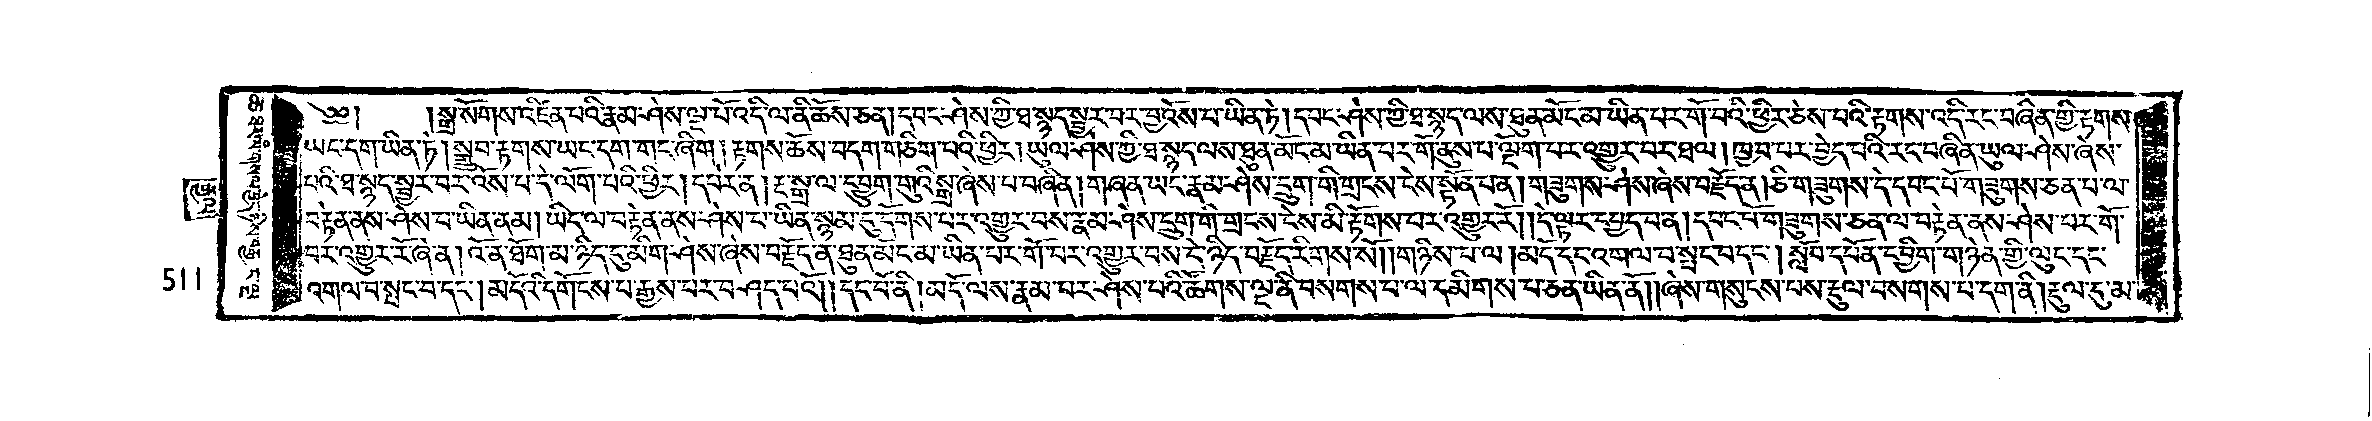༄༅། །སྒྲ་སོགས་འཛིན་པའི་རྣམ་ཤེས་ལྔ་པོ་འདི་ལ་ནི་ཆོས་ཅན། དབང་ཤེས་ཀྱི་ཐ་སྙད་སྦྱར་བར་བྱ་འོས་པ་ཡིན་ཏེ། དབང་ཤེས་ཀྱི་ཐ་སྙད་ལས་ཐུན་མོང་མ་ཡིན་པར་གོ་བའི་ཕྱིར་ཅེས་པའི་རྟགས་འདི་རང་བཞིན་གྱི་རྟགས་
ཡང་དག་ཡིན་ཏེ། སྒྲུབ་རྟགས་ཡང་དག་གང་ཞིག །རྟགས་ཆོས་བདག་གཅིག་པའི་ཕྱིར། ཡུལ་ཤེས་ཀྱི་ཐ་སྙད་ལས་ཐུན་མོང་མ་ཡིན་པར་གོ་ནུས་པ་ལྡོག་པར་འགྱུར་བར་ཐལ། ཁྱབ་པར་བྱེད་པའི་རང་བཞིན་ཡུལ་ཤེས་ཞེས་
པའི་ཐ་སྙད་སྦྱར་བར་འོས་པ་དེ་ལོག་པའི་ཕྱིར། དཔེར་ན། རྔ་སྒྲ་ལ་དབྱུག་གུའི་སྒྲ་ཞེས་པ་བཞིན། གཞན་ཡང་རྣམ་ཤེས་དྲུག་གི་གྲངས་ངེས་སྟོན་པ་ན། གཟུགས་ཤེས་ཞེས་བརྗོད་ན། ཅི་གཟུགས་དེ་དབང་པོ་གཟུགས་ཅན་པ་ལ་
བརྟེན་ནས་ཤེས་པ་ཡིན་ནམ། ཡིད་ལ་བརྟེན་ནས་ཤེས་པ་ཡིན་སྙམ་དུ་དོགས་པར་འགྱུར་བས་རྣམ་ཤེས་དྲུག་གི་གྲངས་ངེས་མི་རྟོགས་པར་འགྱུར་རོ། །དེ་ལྟར་དཔྱད་པ་ན། དབང་པོ་གཟུགས་ཅན་ལ་བརྟེན་ནས་ཤེས་པར་གོ་
བར་འགྱུར་རོ་ཞེ་ན། འོ་ན་ཐོག་མ་ཉིད་དུ་མིག་ཤེས་ཞེས་བརྗོད་ན་ཐུན་མོང་མ་ཡིན་པར་གོ་བར་འགྱུར་བས་དེ་ཉིད་བརྗོད་རིགས་སོ། །གཉིས་པ་ལ། མདོ་དང་འགལ་བ་སྤང་བ་དང་། སློབ་དཔོན་དབྱིག་གཉེན་གྱི་ལུང་དང་
འགལ་བ་སྤང་བ་དང་། མདོའི་དགོངས་པ་རྒྱས་པར་བཤད་པའོ། །དང་པོ་ནི། མདོ་ལས་རྣམ་པར་ཤེས་པའི་ཚོགས་ལྔ་ནི་བསགས་པ་ལ་དམིགས་པ་ཅན་ཡིན་ནོ། །ཞེས་གསུངས་པས་རྡུལ་བསགས་པ་དག་ནི། རྡུལ་དུ་མ་